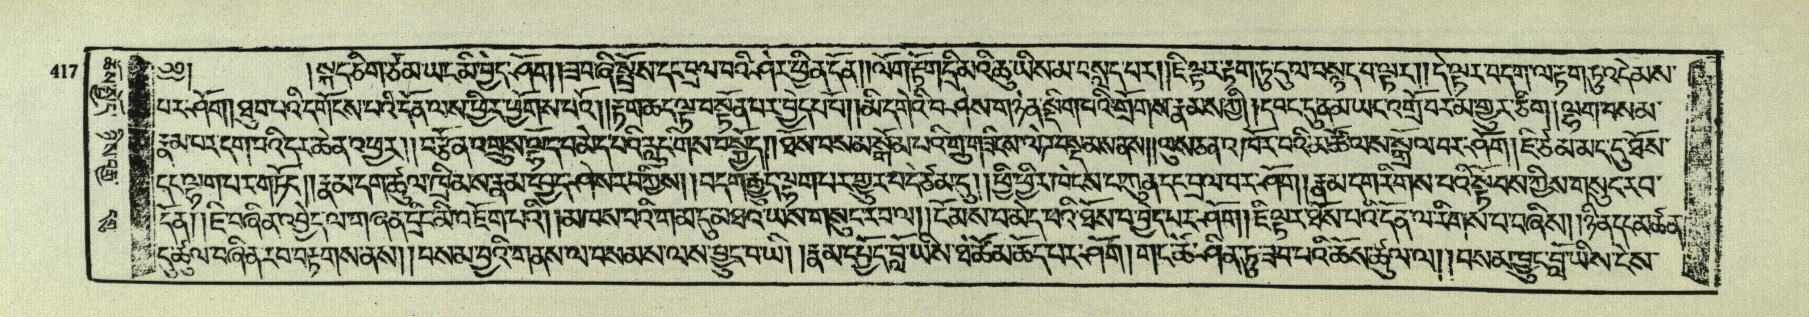༄༅། །སྐད་ཅིག་ཙམ་ཡང་མི་བྱེད་ཤོག །ཟབ་ཞི་སྤྲོས་དང་བྲལ་བའི་ཤེར་ཕྱིན་དོན། །ལོག་རྟོག་དྲི་མའི་ཆུ་ཡིས་མ་བསླད་པར། །ཇི་ལྟར་རྟག་ཏུ་དུ་ལ་བསྙད་པ་ལྟར། །དེ་ལྟར་བདག་ལ་རྟག་ཏུ་འདེམས་
པར་ཤོག །ཐུབ་པའི་དགོངས་པའི་དོན་ལས་ཕྱིར་ཕྱོགས་པའོ། །རྟག་ཆད་ལྟ་བསྟོན་པར་བྱེད་པ་པོ། །མི་དགེའི་བཤེས་གཉེན་སྡིག་པའི་གྲོགས་རྣམས་ཀྱི། །དབང་དུ་ནམ་ཡང་འགྲོ་བར་མ་གྱུར་ཅིག །ལྷག་བསམ་
རྣམ་པར་དག་པའི་དར་ཆེན་འཕྱར། །བརྩོན་འགྲུས་ལྷོད་པ་མེད་པའི་རླུང་གིས་བསྐྱོད། །ཐོས་བསམ་སྒོམ་པའི་གྲུ་གཟིངས་ལེཌ་བསྡམས་ནས། །ལུས་ཅན་འཁོར་བའི་མཚོ་ལས་སྒྲོལ་བར་ཤོག །ཇི་ཙམ་མང་དུ་ཐོས་
དང་ལྷག་པར་གཏོང་། །རྣམ་དག་ཚུལ་ཁྲིམས་རྣམ་དཔྱད་ཤེས་རབ་ཀྱིས། །བདག་རྒྱུད་ལྷག་པར་གྱུར་བ་དེ་ཙམ་དུ། །ཕྱི་ཕྱིར་ཁེངས་པ་ཀུན་དང་བྲལ་བར་ཤོག །རྣམ་དག་རིགས་པའི་སྟོབས་ཀྱིས་གསུང་རབ་
དོན། །ཇི་བཞིན་འབྱེད་ལ་གཞན་དྲིང་མི་འཇོག་པའི། །མཁས་པའི་གམ་དུ་མཐའ་ཡས་གསུང་རབ་ལ། །ངོམས་པ་མེད་པའི་ཐོས་པ་བྱེད་པར་ཤོག །ཇི་ལྟར་ཐོས་པའི་དོན་ལ་རིགས་པ་བཞིས། །ཉིན་དང་མཚན་
དུ་ཚུལ་བཞིན་རབ་བརྟགས་ནས། །བསམ་བྱའི་གནས་ལ་བསམས་ལས་བྱུང་བ་ཡི། །རྣམ་དཔྱོད་བློ་ཡིས་ཐེ་ཚོམ་ཆོད་པར་ཤོག །གང་ཚེ་ཤིན་ཏུ་ཟབ་པའི་ཆོས་ཚུལ་ལ། །བསམ་བྱུང་བློ་ཡིས་ངེས་